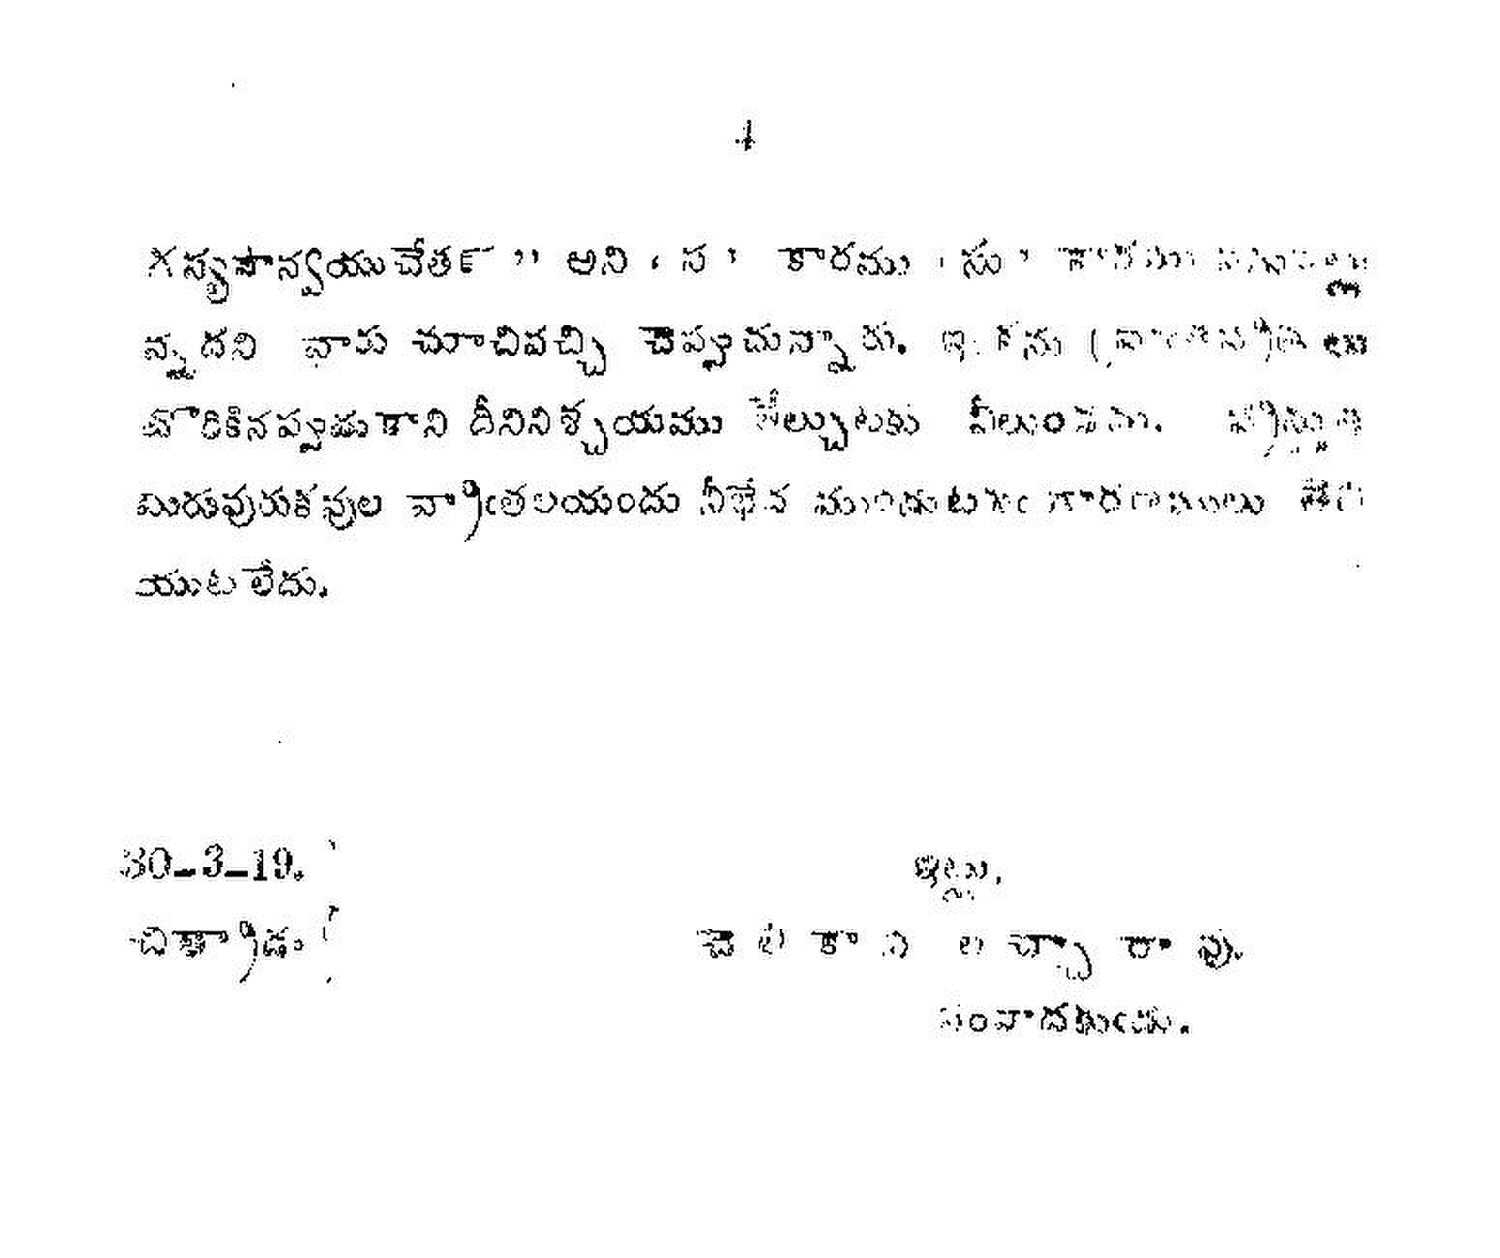గస్యపాన్వయుచేతన్" అని ˈస'కారము ˈసుˈకార మగునట్లున్నదని వారు చూచివచ్చి చెప్పుచున్నారు. ఇంకను వ్రాఁతప్రతులు దొరికినప్పుడుకాని దీనినిశ్చయము తేల్చుటకు వీలుండదు. ప్రస్తుత మిరువురుకవులవ్రాఁతలయందు నీభేద ముండుటకుఁ గారణములు తెలియుట లేదు.